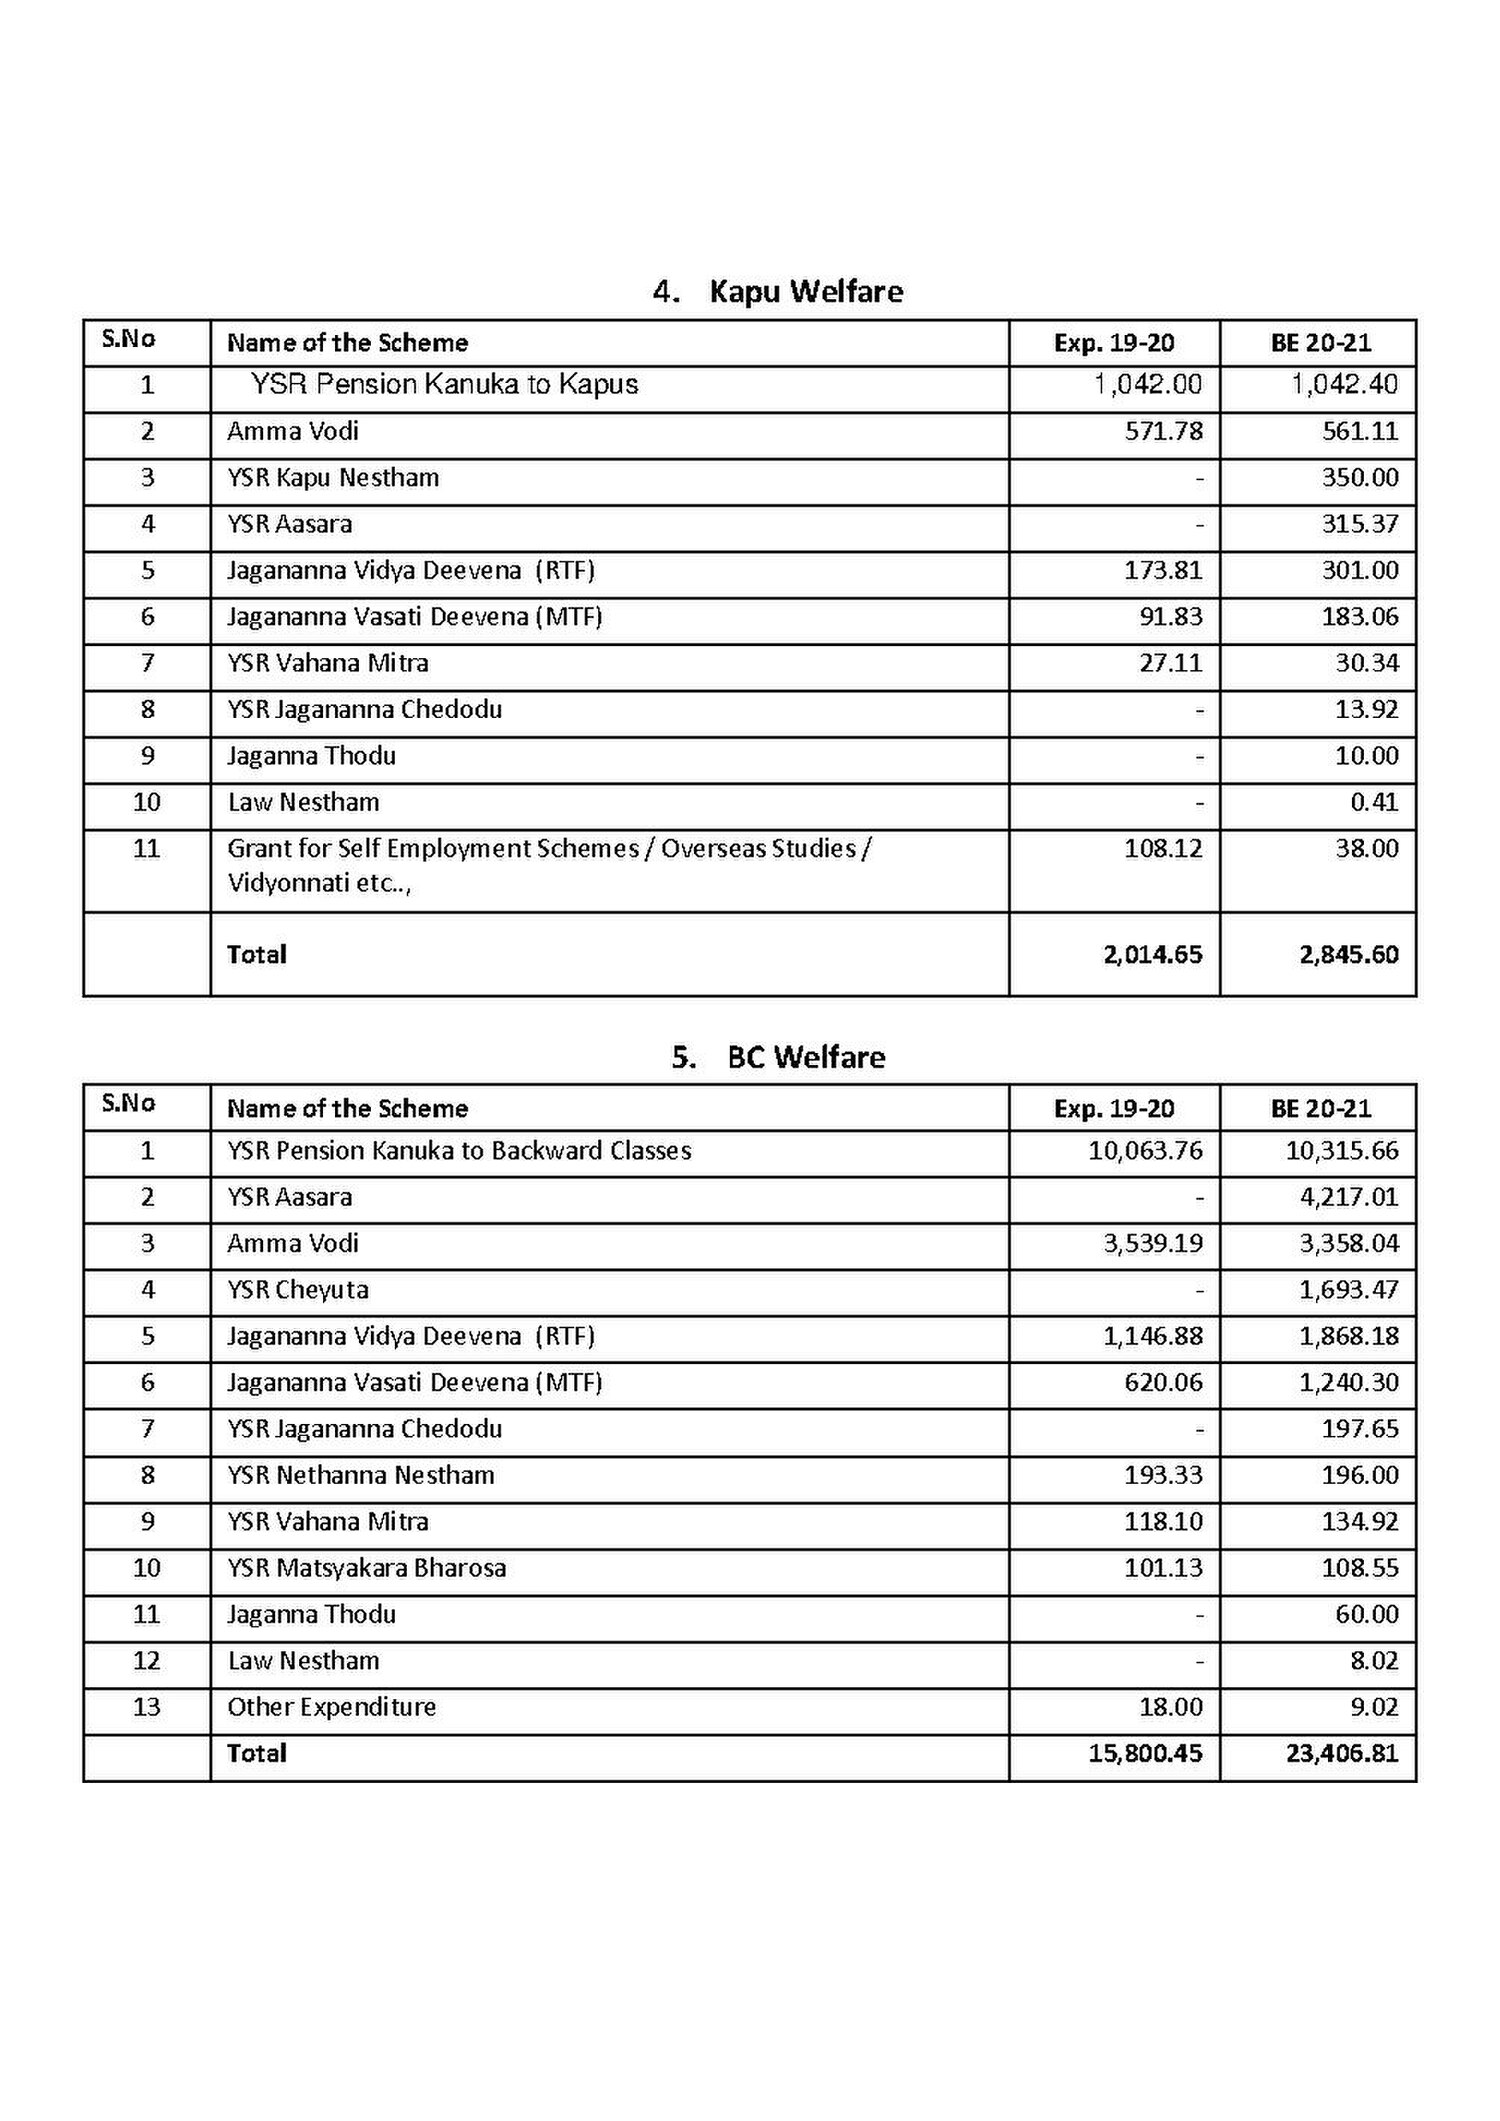4. Kapu Welfare

 S.No Name of the Scheme Exp. 19-20 BE 20-21 1 YSR Pension Kanuka to Kapus 1042 1042.4 2 Amma Vodi 571.78 561.11 3 YSR Kapu Nestham - 350 4 YSR Aasara - 315.37 5 Jagananna Vidya Deevena (RTF) 173.81 301 6 Jagananna Vasati Deevena (MTF) 91.83 183.06 7 YSR Vahana Mitra 27.11 30.34 8 YSR Jagananna Chedodu - 13.92 9 Jaganna Thodu - 10 10 Law Nestham - 0.41 11 Grant for Self Employment Schemes / Overseas Studies / Vidyonnati etc.., 108.12 38 Total 2014.65 2845.6

5. BC Welfare

 S.No Name of the Scheme Exp. 19-20 BE 20-21 1 YSR Pension Kanuka to Backward Classes 10063.76 10315.66 2 YSR Aasara - 4217.01 3 Amma Vodi 3539.19 3358.04 4 YSR Cheyuta - 1693.47 5 Jagananna Vidya Deevena (RTF) 1146.88 1868.18 6 Jagananna Vasati Deevena (MTF) 620.06 1240.3 7 YSR Jagananna Chedodu - 197.65 8 YSR Nethanna Nestham 193.33 196 9 YSR Vahana Mitra 118.1 134.92 10 YSR Matsyakara Bharosa 101.13 108.55 11 Jaganna Thodu - 60 12 Law Nestham - 8.02 13 Other Expenditure 18 9.02 Total 15800.45 23406.81